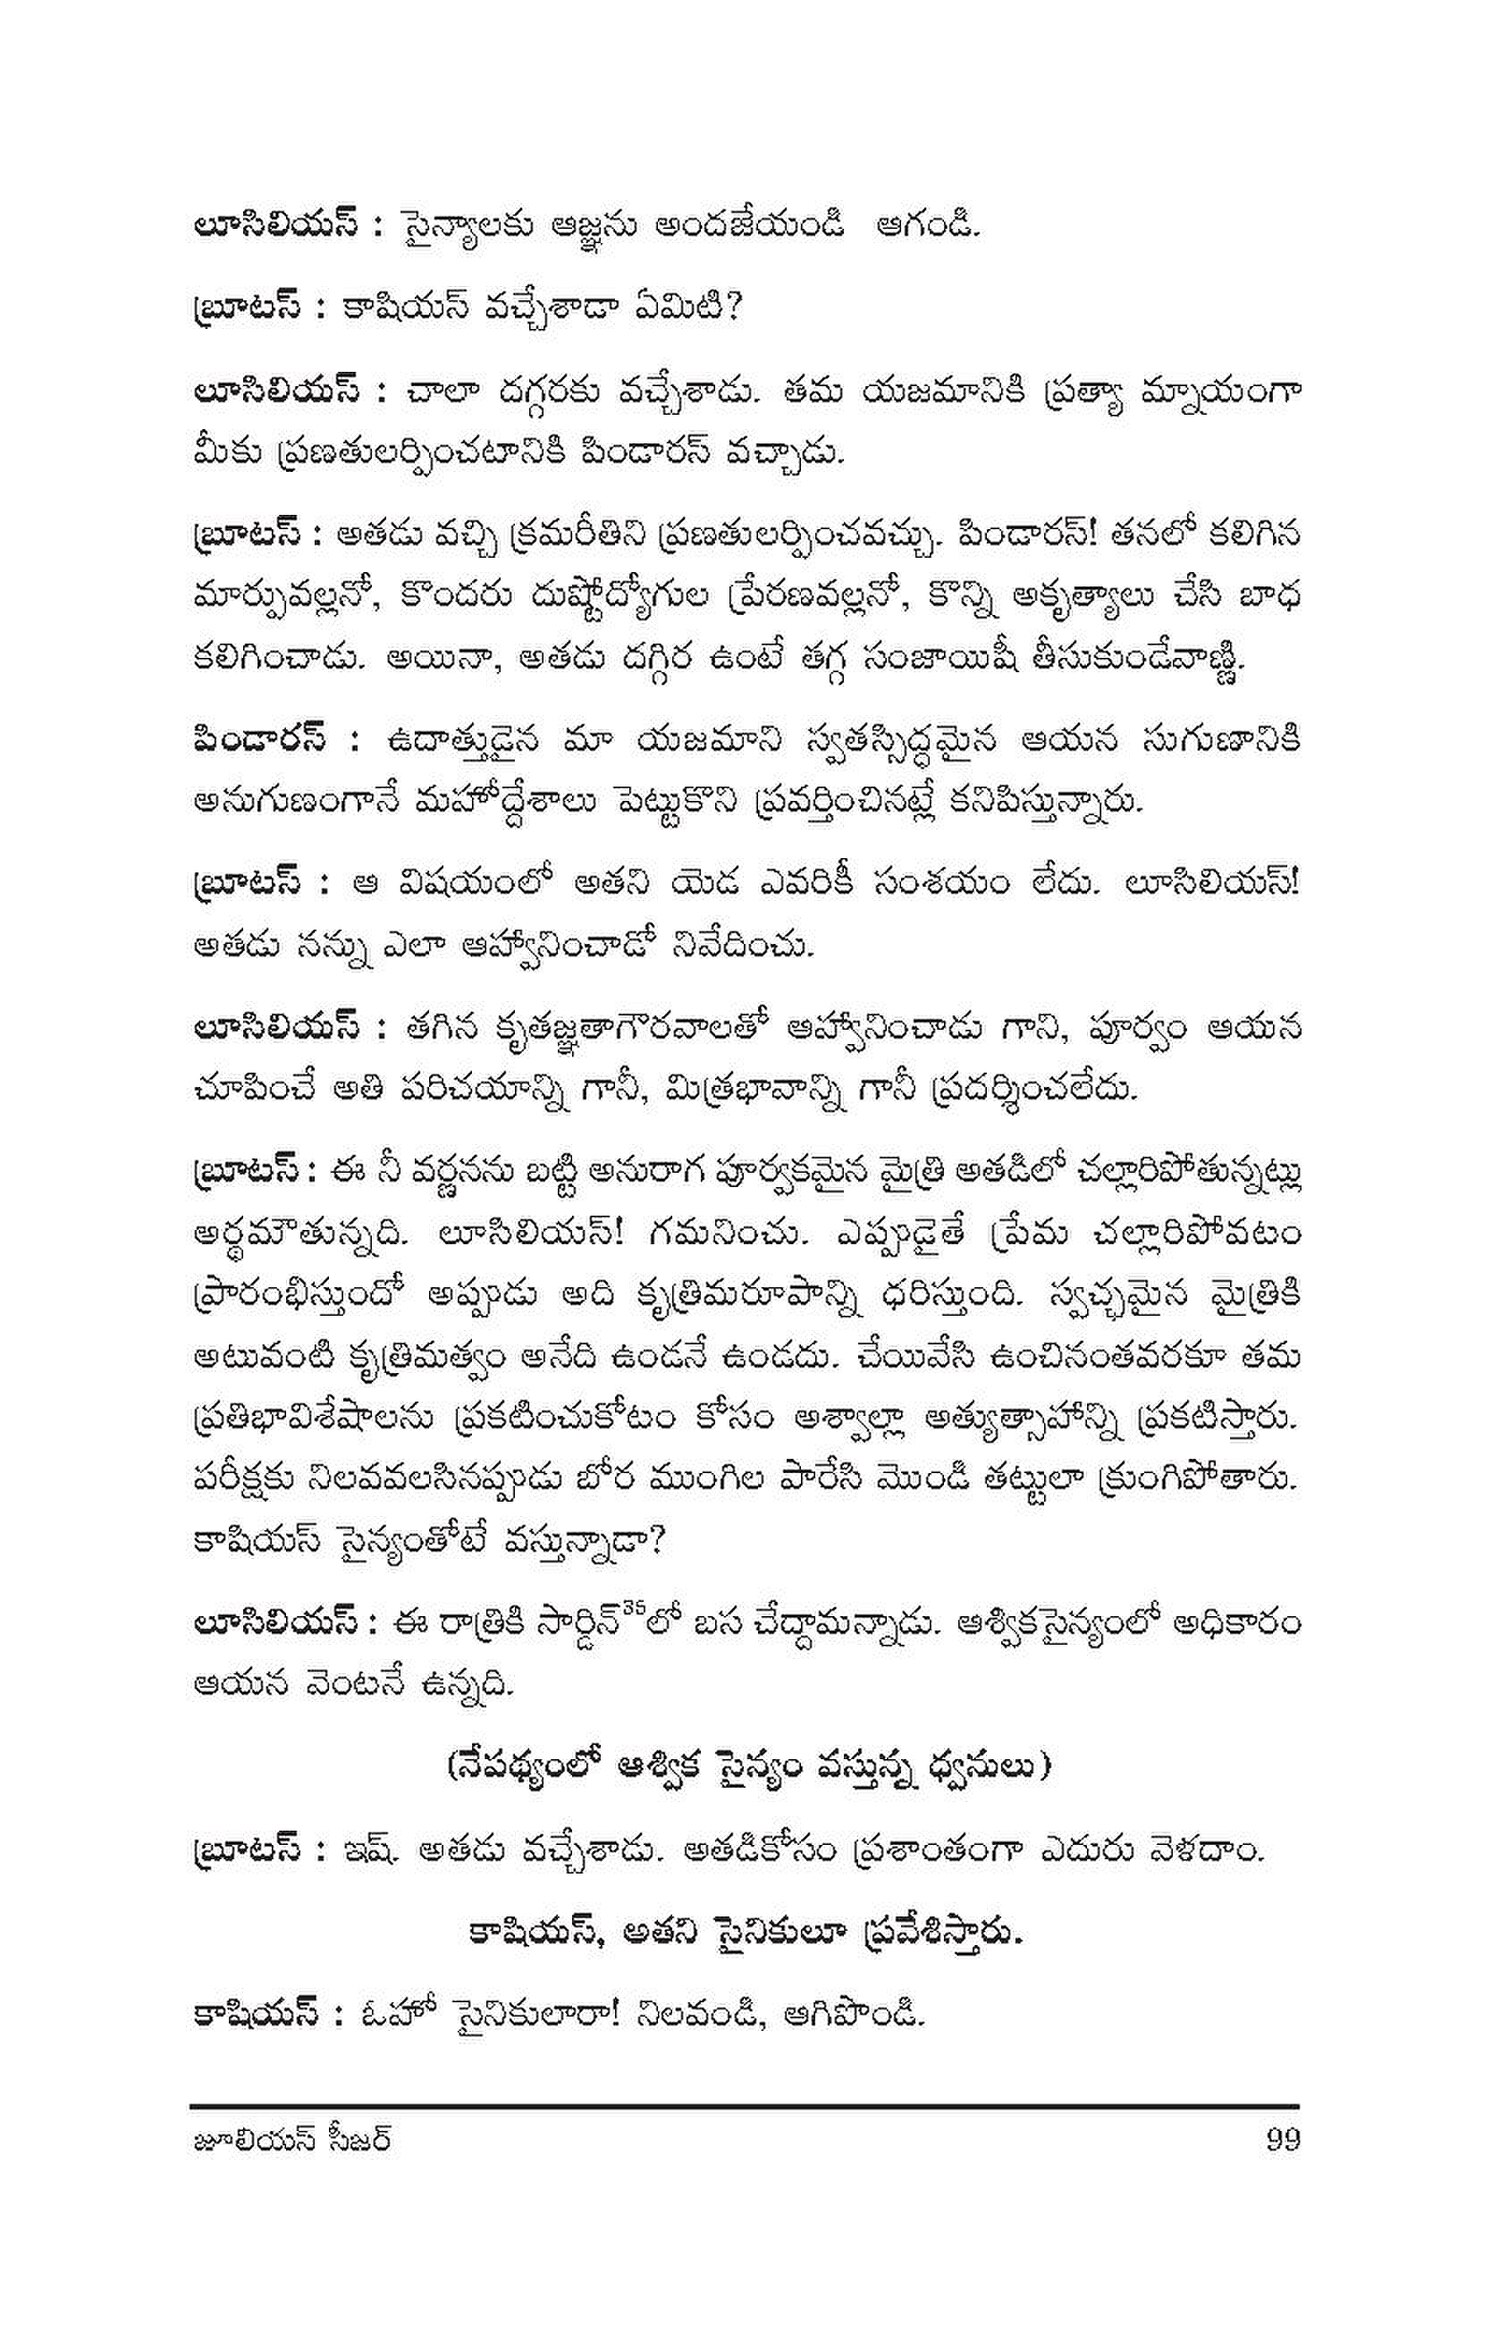లూసిలియస్ : సైన్యాలకు ఆజ్ఞను అందజేయండి ఆగండి.

బ్రూటస్ : కాషియస్ వచ్చేశాడా ఏమిటి?

లూసిలియస్ : చాలా దగ్గరకు వచ్చేశాడు. తమ యజమానికి ప్రత్యా మ్నాయంగా మీకు ప్రణతులర్పించటానికి పిండారస్ వచ్చాడు.

బ్రూటస్ : అతడు వచ్చి క్రమరీతిని ప్రణతులర్పించవచ్చు. పిండారస్! తనలో కలిగిన మార్పువల్లనో, కొందరు దుష్టోద్యోగుల ప్రేరణవల్లనో, కొన్ని అకృత్యాలు చేసి బాధ కలిగించాడు. అయినా, అతడు దగ్గిర ఉంటే తగ్గ సంజాయిషీ తీసుకుండేవాణ్ణి.

పిండారస్ : ఉదాత్తుడైన మా యజమాని స్వతస్సిద్ధమైన ఆయన సుగుణానికి అనుగుణంగానే మహోద్దేశాలు పెట్టుకొని ప్రవర్తించినట్లే కనిపిస్తున్నారు.

బ్రూటస్ : ఆ విషయంలో అతని యెడ ఎవరికీ సంశయం లేదు. లూసిలియస్! అతడు నన్ను ఎలా ఆహ్వానించాడో నివేదించు.

లూసిలియస్ : తగిన కృతజ్ఞతాగౌరవాలతో ఆహ్వానించాడు గాని, పూర్వం ఆయన చూపించే అతి పరిచయాన్ని గానీ, మిత్రభావాన్ని గానీ ప్రదర్శించలేదు.

బ్రూటస్ : ఈ నీ వర్ణనను బట్టి అనురాగ పూర్వకమైన మైత్రి అతడిలో చల్లారిపోతున్నట్లు అర్థమౌతున్నది. లూసిలియస్! గమనించు. ఎప్పుడైతే ప్రేమ చల్లారిపోవటం ప్రారంభిస్తుందో అప్పుడు అది కృత్రిమరూపాన్ని ధరిస్తుంది. స్వచ్ఛమైన మైత్రికి అటువంటి కృత్రిమత్వం అనేది ఉండనే ఉండదు. చేయివేసి ఉంచినంతవరకూ తమ ప్రతిభా విశేషాలను ప్రకటించుకోటం కోసం అశ్వాల్లా అత్యుత్సాహాన్ని ప్రకటిస్తారు. పరీక్షకు నిలవవలసినప్పుడు బోర ముంగిల పారేసి మొండి తట్టులా క్రుంగిపోతారు. కాషియస్ సైన్యంతోటే వస్తున్నాడా?

లూసిలియస్ : ఈ రాత్రికి సార్డిన్35 లో బస చేద్దామన్నాడు. ఆశ్విక సైన్యంలో అధికారం ఆయన వెంటనే ఉన్నది.

బ్రూటస్ : ఇష్. అతడు వచ్చేశాడు. అతడికోసం ప్రశాంతంగా ఎదురు వెళదాం.

కాషియస్ : ఓహో సైనికులారా! నిలవండి, ఆగిపొండి.